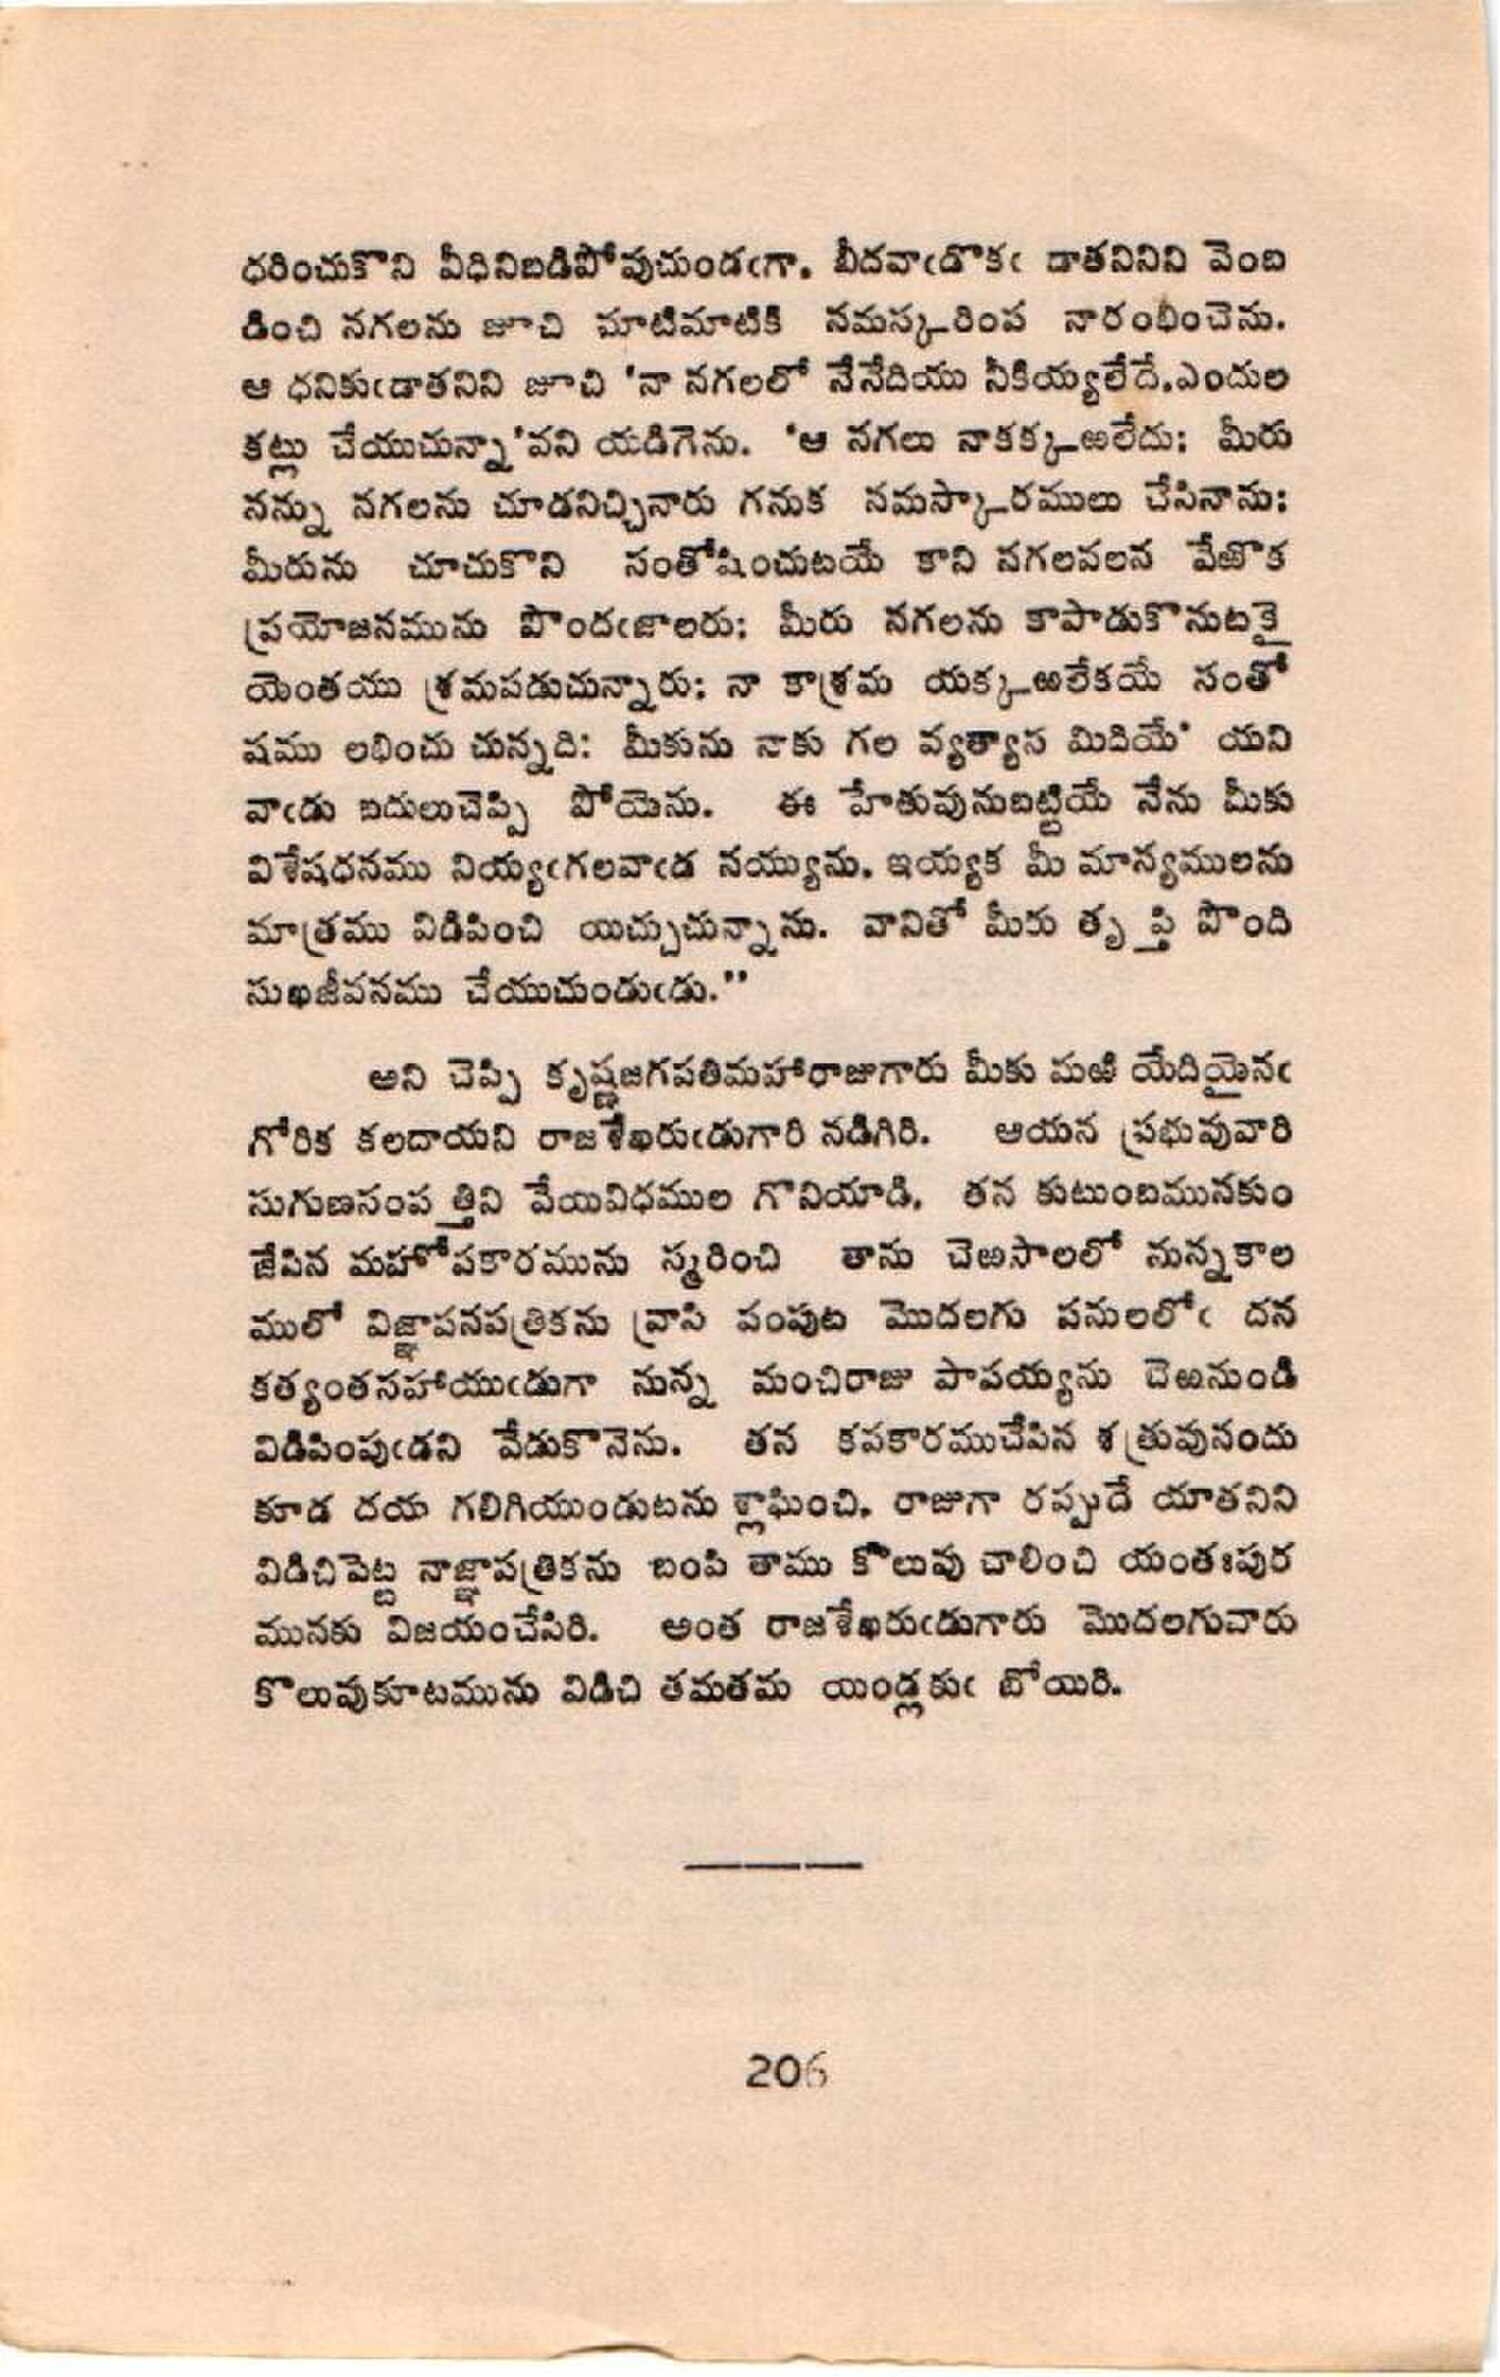ధరించుకొని వీధినిబడిపోవుచుండగా, బీదవాఁడొకఁ డాతనినిని వెంబడించి నగలను జూచి మాటిమాటికి నమస్కరింప నారంభించెను. ఆ ధనికుఁడాతనిని జూచి 'నా నగలలో నేనేదియు నీకియ్యలేదే, ఎందుల కట్లు చేయుచున్నా'వని యడిగెను. 'ఆ నగలు నాకక్కఱలేదు; మీరు నన్ను నగలను చూడనిచ్చినారు గనుక నమస్కారములు చేసినాను; మీరును చూచుకొని సంతోషించుటయే కాని నగలవలన వేఱొక ప్రయోజనమును పొందఁజాలరు; మీరు నగలను కాపాడుకొనుటకై యెంతయు శ్రమపడుచున్నారు; నా కాశ్రమ యక్కఱలేకయే సంతో షము లభించు చున్నది: మీకును నాకు గల వ్యత్యాస మిదియే' యని వాఁడు బదులుచెప్పి పోయెను. ఈ హేతువునుబట్టియే నేను మీకు విశేషధనము నియ్యఁగలవాఁడ నయ్యును, ఇయ్యక మీ మాన్యములను మాత్రము విడిపించి యిచ్చుచున్నాను. వానితో మీరు తృప్తి పొంది సుఖజీవనము చేయుచుండుఁడు."

అని చెప్పి కృష్ణజగపతిమహారాజుగారు మీకు మఱి యేదియైనఁ గోరిక కలదాయని రాజశేఖరుఁడుగారి నడిగిరి. ఆయన ప్రభువువారి సుగుణసంపత్తిని వేయువిధముల గొనియాడి, తన కుటుంబమునకుం జేసిన మహోపకారమును స్మరించి తాను చెఱసాలలో నున్నకాలములో విజ్ఞాపనపత్రికను వ్రాసి పంపుట మొదలగు పనులలోఁ దన కత్యంత సహాయుఁడుగా నున్న మంచిరాజు పాపయ్యను చెఱనుండి విడిపింపుఁడని వేడుకొనెను. తన కపకారముచేసిన శత్రువునందు కూడ దయ గలిగియుండుటను శ్లాఘించి, రాజుగా రప్పుడే యాతనిని విడిచిపెట్ట నాజ్ఞాపత్రికను బంపి తాము కొలువు చాలించి యంతఃపుర మునకు విజయంచేసిరి, అంత రాజశేఖరుఁడుగారు మొదలగువారు కొలువుకూటమును విడిచి తమతమ యిండ్లకుఁ బోయిరి.